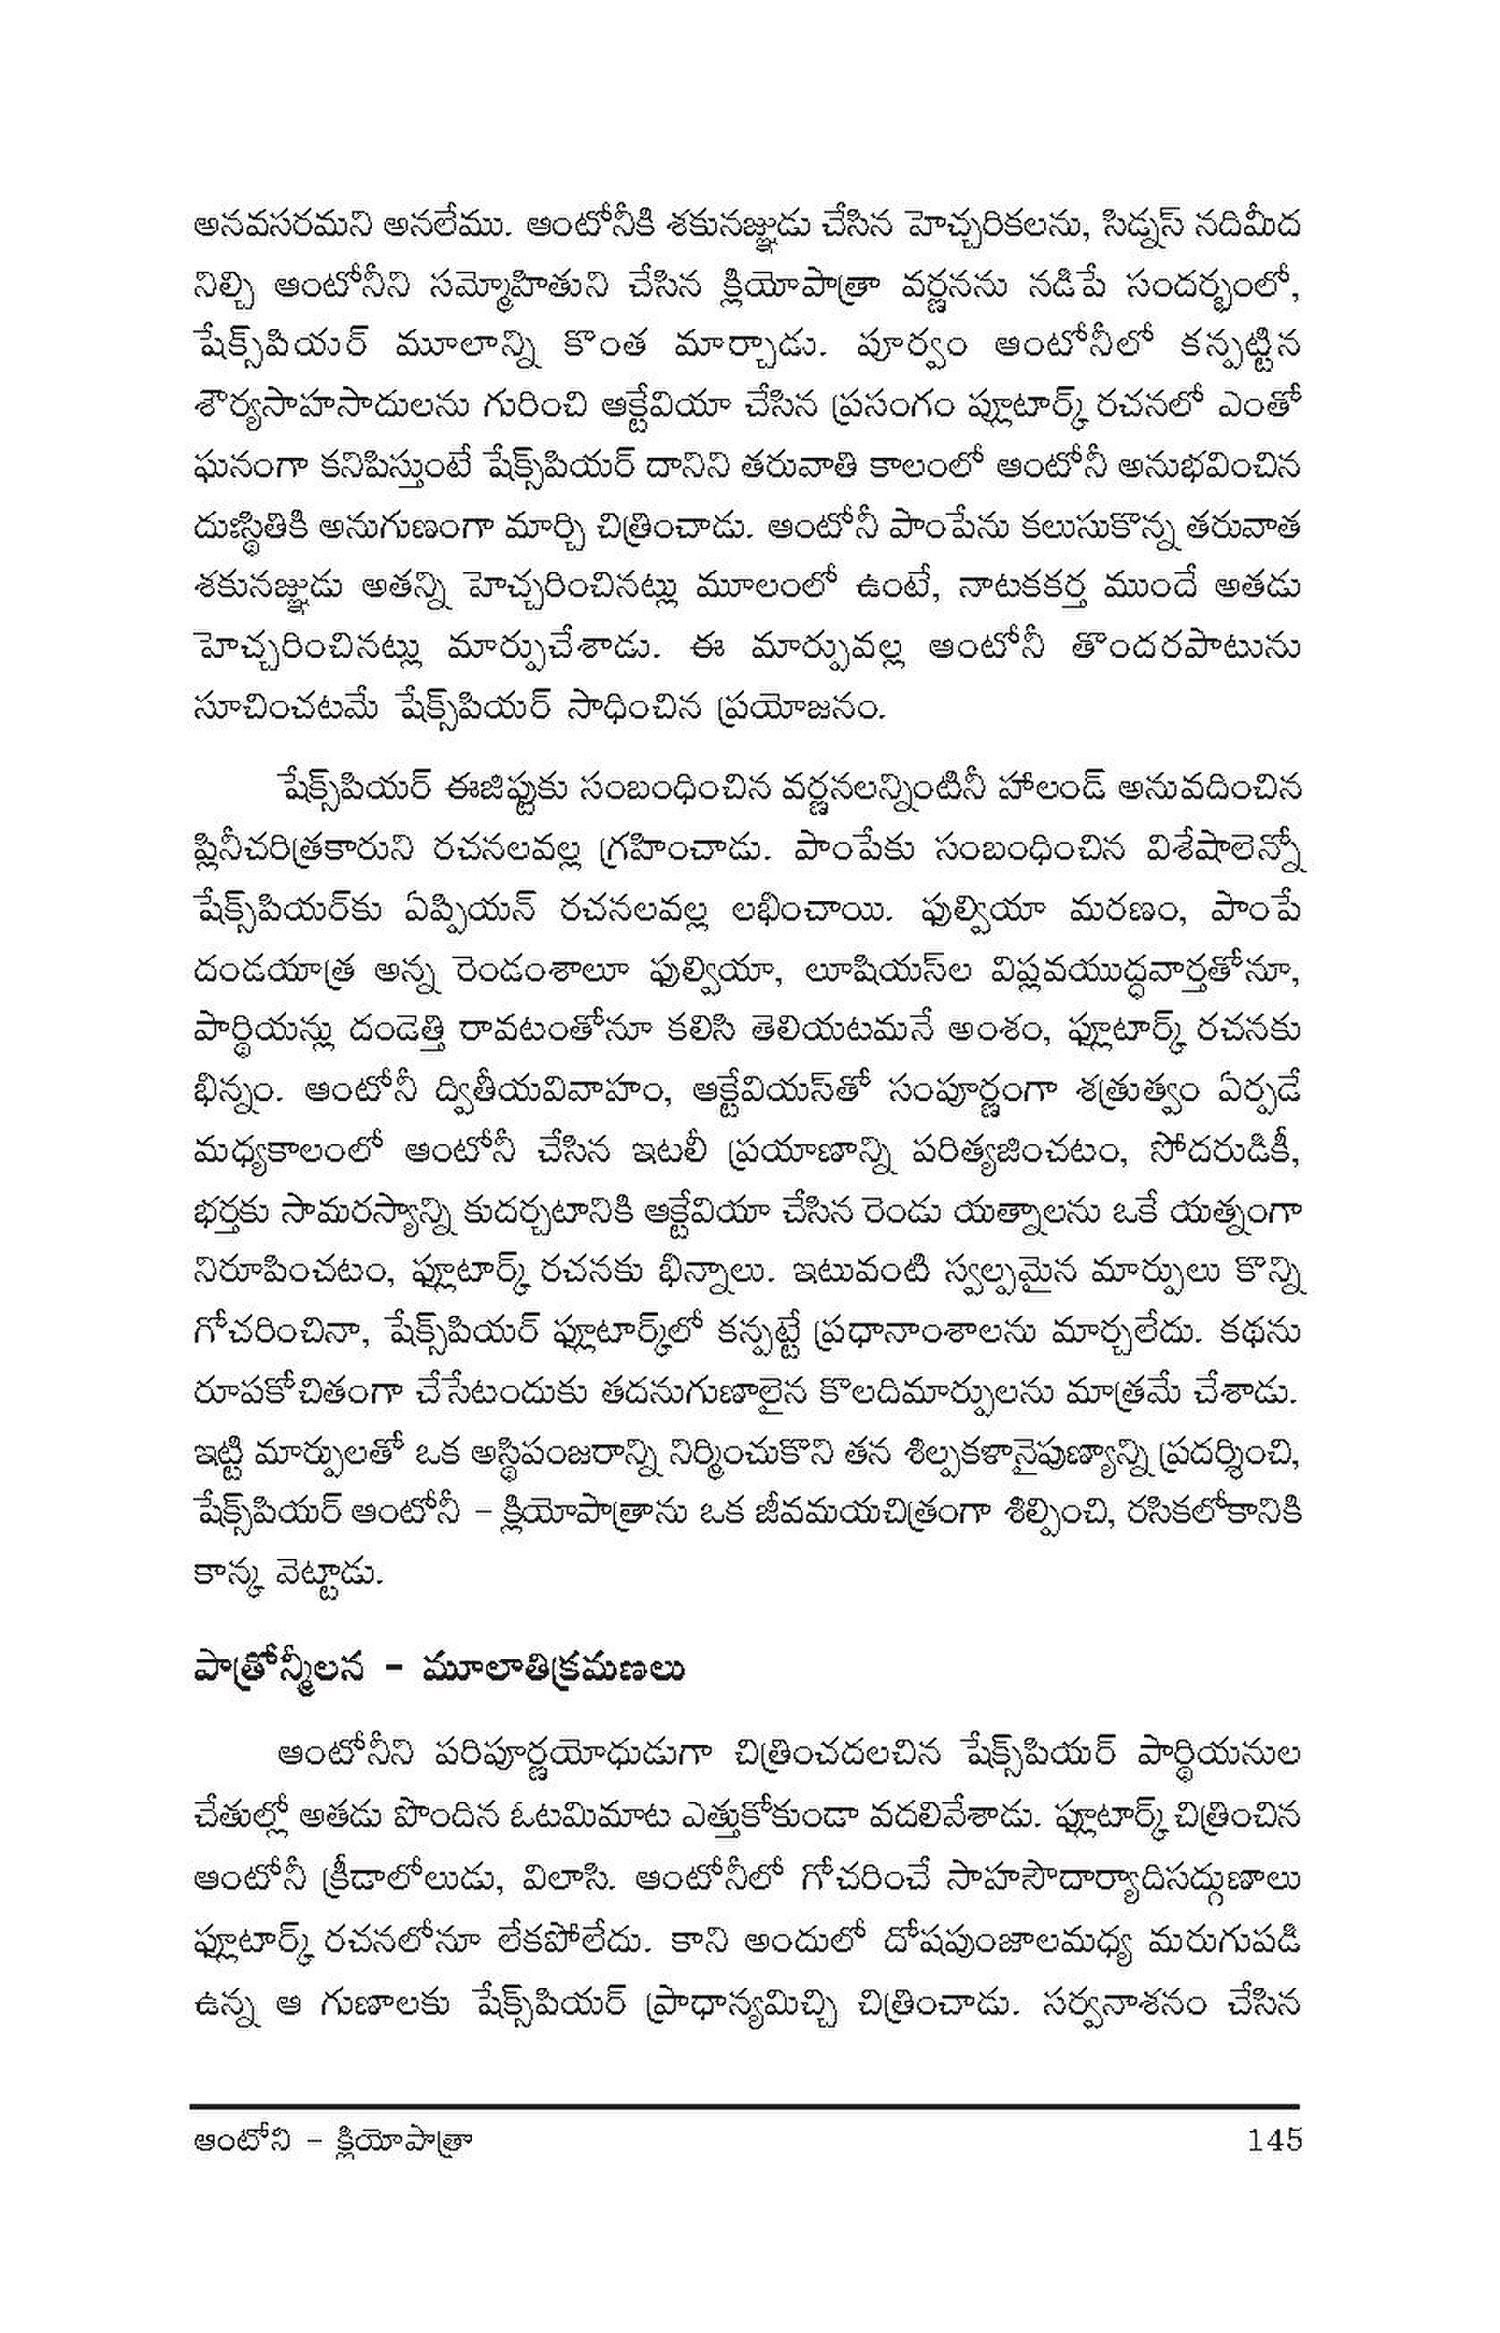అనవసరమని అనలేము. ఆంటోనీకి శకునజ్ఞుడు చేసిన హెచ్చరికలను, సిడ్నస్ నదిమీద నిల్చి ఆంటోనీని సమ్మోహితుని చేసిన క్లియోపాత్రా వర్ణనను నడిపే సందర్భంలో, షేక్స్ పియర్ మూలాన్ని కొంత మార్చాడు. పూర్వం ఆంటోనీలో కన్పట్టిన
శౌర్యసాహసాదులను గురించి ఆక్టేవియా చేసిన ప్రసంగం ప్లూటార్క్ రచనలో ఎంతో ఘనంగా కనిపిస్తుంటే షేక్స్ పియర్ దానిని తరువాతి కాలంలో అంటోనీ అనుభవించిన దుఃస్థితికి అనుగుణంగా మార్చి చిత్రించాడు. ఆంటోనీ పాంపేను కలుసుకొన్న తరువాత శకునజ్ఞుడు అతన్ని హెచ్చరించినట్లు మూలంలో ఉంటే, నాటకకర్త ముందే అతడు హెచ్చరించినట్లు మార్పుచేశాడు. ఈ మార్పువల్ల ఆంటోనీ తొందరపాటును సూచించటమే షేక్స్ పియర్ సాధించిన ప్రయోజనం.

షేక్స్ పియర్ ఈజిప్టుకు సంబంధించిన వర్ణనలన్నింటినీ హాలండ్ అనువదించిన ప్లినీచరిత్రకారుని రచనలవల్ల గ్రహించాడు. పాంపేకు సంబంధించిన విశేషాలెన్నో షేక్స్ పియర్ కు ఏప్పియన్ రచనలవల్ల లభించాయి. ఫుల్వియా మరణం, పాంపే దండయాత్ర అన్న రెండంశాలూ ఫుల్వియా, లూషియస్ ల విప్లవ యుద్ధవార్తతోనూ, పార్థియన్లు దండెత్తి రావటంతోనూ కలిసి తెలియటమనే అంశం, ఫ్లూటార్క్ రచనకు భిన్నం. ఆంటోనీ ద్వితీయవివాహం, ఆక్టేవియస్ తొ సంపూర్ణంగా శత్రుత్వం ఏర్పడే మధ్యకాలంలో ఆంటోనీ చేసిన ఇటలీ ప్రయాణాన్ని పరిత్యజించటం, సోదరుడికీ,
భర్తకు సామరస్యాన్ని కుదర్చటానికి ఆక్టేవియా చేసిన రెండు యత్నాలను ఒకే యత్నంగా నిరూపించటం, ఫ్లూటార్క్ రచనకు భిన్నాలు. ఇటువంటి స్వల్పమైన మార్పులు కొన్ని గోచరించినా, షేక్స్ పియర్ ప్లూటార్లో కన్పట్టే ప్రధానాంశాలను మార్చలేదు. కథను రూపకోచితంగా చేసేటందుకు తదనుగుణాలైన కొలదిమార్పులను మాత్రమే చేశాడు. ఇట్టి మార్పులతో ఒక అస్థిపంజరాన్ని నిర్మించుకొని తన శిల్పకళానైపుణ్యాన్ని ప్రదర్శించి, షేక్స్ పియర్ ఆంటోనీ - క్లియోపాత్రాను ఒక జీవమయచిత్రంగా శిల్పించి, రసికలోకానికి కాన్క పెట్టాడు.

ఆంటోనీని పరిపూర్ణయోధుడుగా చిత్రించదలచిన షేక్స్ పియర్ పార్థియనుల చేతుల్లో అతడు పొందిన ఓటమిమాట ఎత్తుకోకుండా వదలివేశాడు. ప్లూటార్క్ చిత్రించిన ఆంటోనీ క్రీడాలోలుడు, విలాసి. ఆంటోనీలో గోచరించే సాహసౌదార్యాదిసద్గుణాలు ఫ్లూటార్క్ రచనలోనూ లేకపోలేదు. కాని అందులో దోషపుంజాలమధ్య మరుగుపడి
ఉన్న ఆ గుణాలకు షేక్స్ పియర్ ప్రాధాన్యమిచ్చి చిత్రించాడు. సర్వనాశనం చేసిన